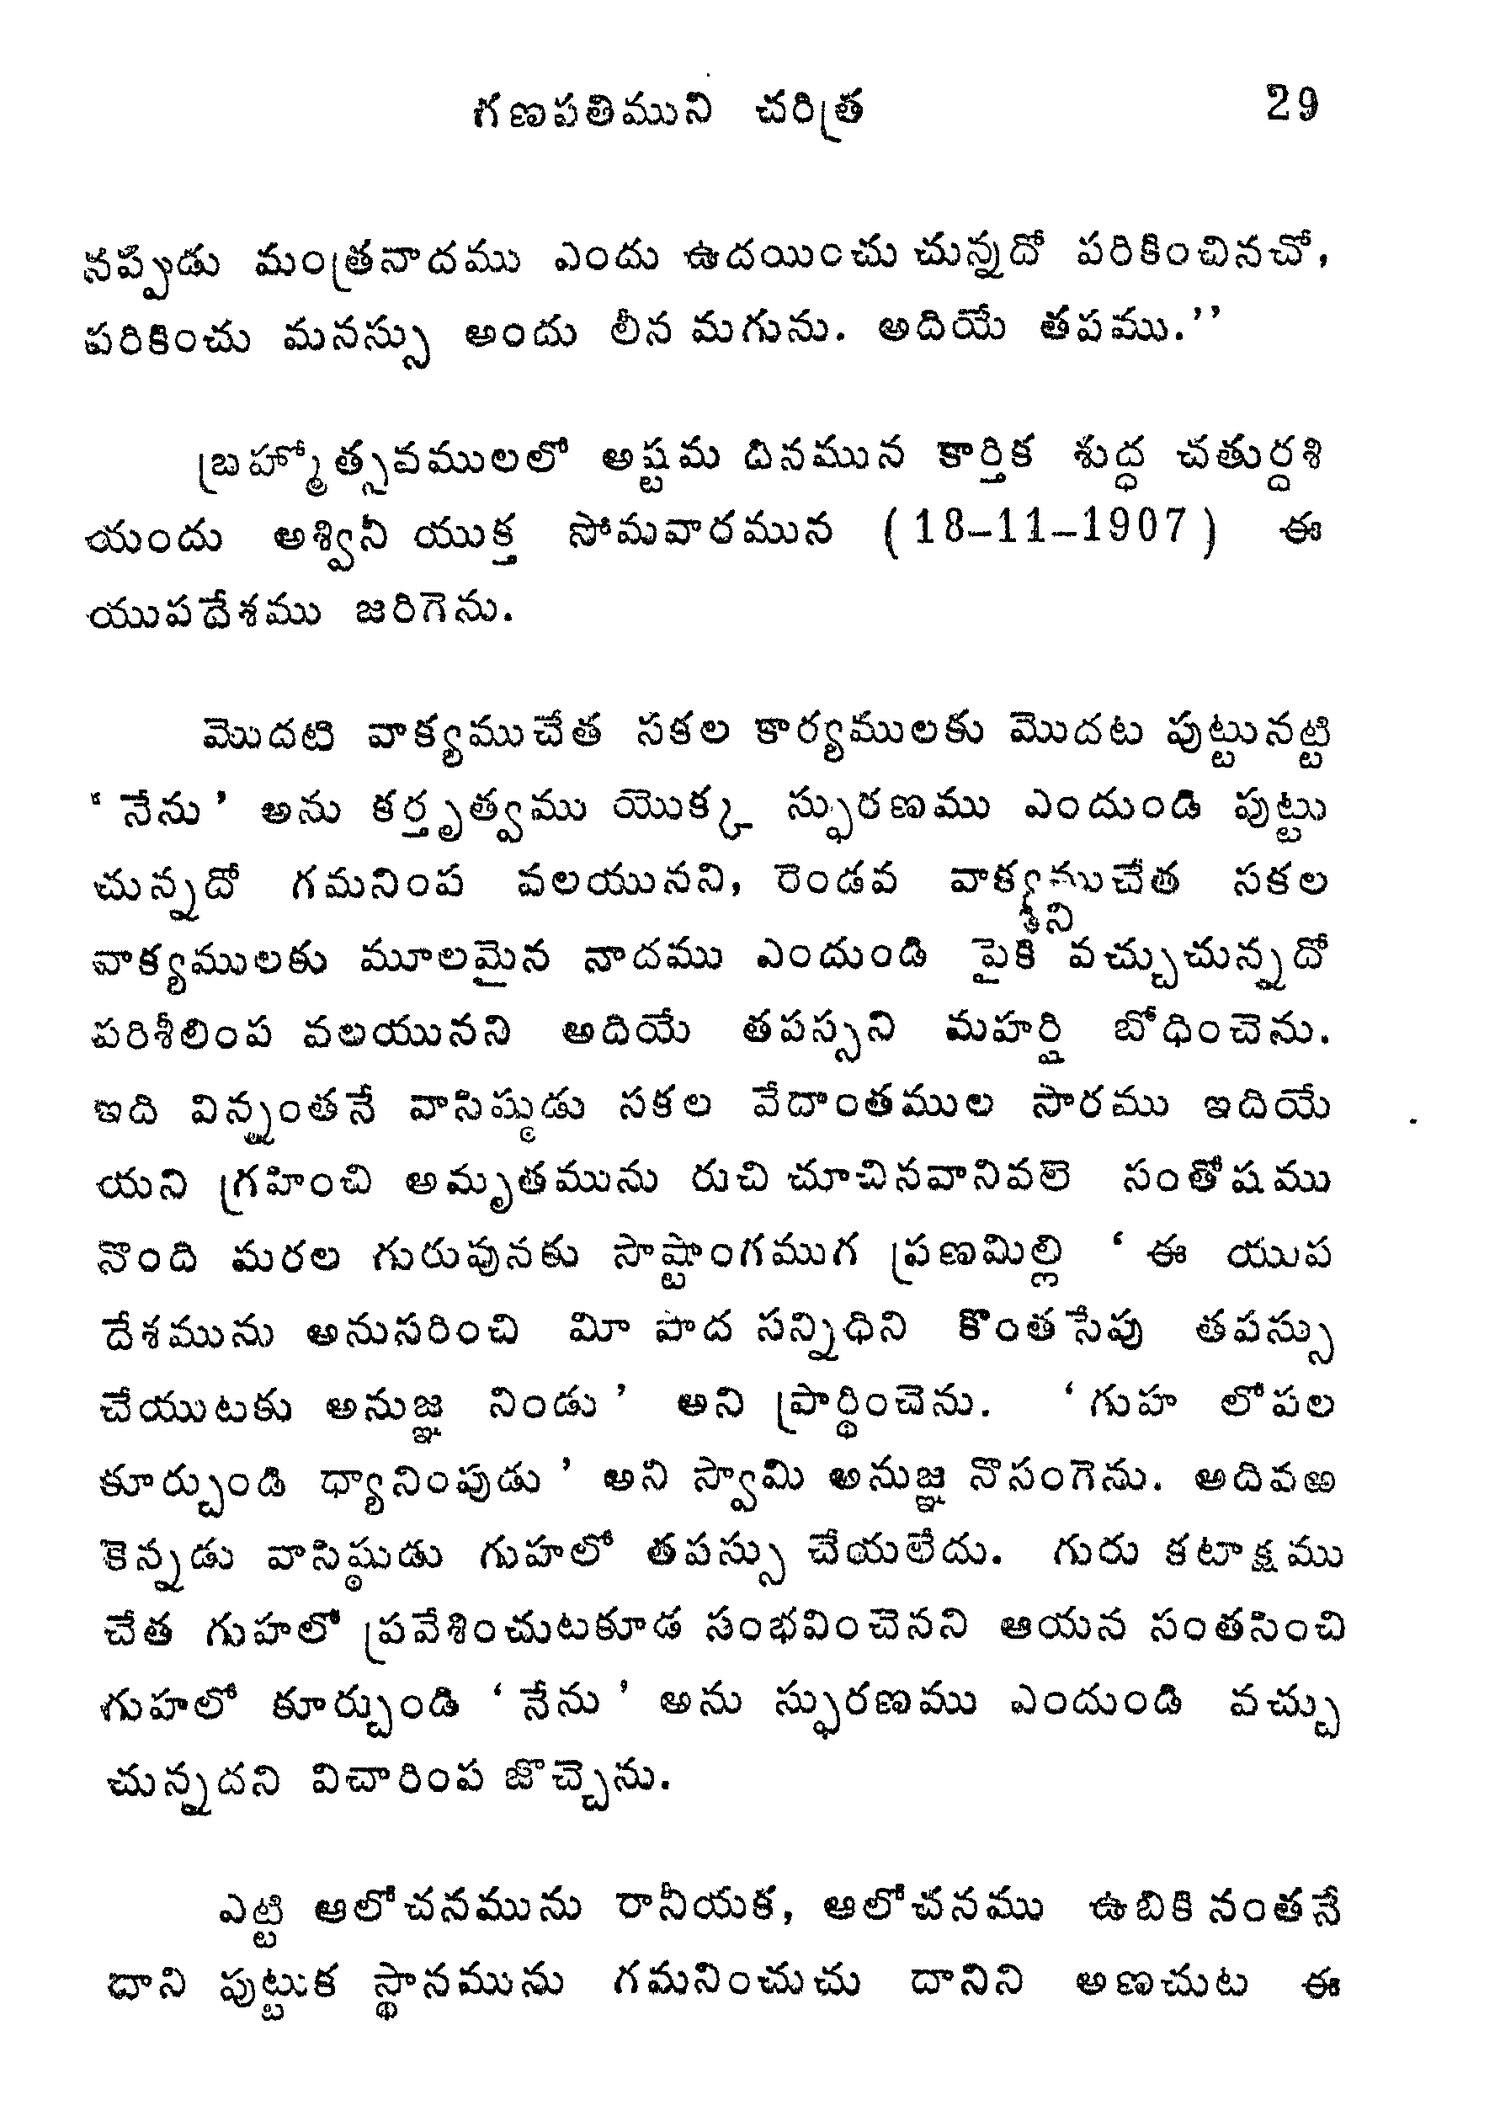నప్పుడు మంత్రనాదము ఎందు ఉదయించు చున్నదో పరికించినచో, పరికించు మనస్సు అందు లీన మగును. అదియే తపము."

బ్రహ్మోత్సవములలో అష్టమ దినమున కార్తిక శుద్ద చతుర్ధశి యందు అశ్వినీ యుక్త సోమవారమున (18 - 11 - 1907) ఈ యుపదేశము జరిగెను.

మొదటి వాక్యముచేత సకల కార్యములకు మొదట పుట్టునట్టి 'నేను' అను కర్తృత్వము యొక్క స్ఫురణము ఎందుండి పుట్టుచున్నదో గమనింప వలయునని, రెండవ వాక్యముచేత సకల వాక్యములకు మూలమైన నాదము ఎందుండి పైకి వచ్చుచున్నదో పరిశీలింప వలయునని అదియే తపస్సని మహర్షి బోధించెను. ఇది విన్నంతనే వాసిష్ఠుడు సకల వేదాంతముల సారము ఇదియే యని గ్రహించి అమృతమును రుచి చూచినవానివలె సంతోషము నొంది మరల గురువునకు సాష్టాంగముగ ప్రణమిల్లి 'ఈ యుపదేశమును అనుసరించి మీ పాద సన్నిధిని కొంతసేపు తపస్సు చేయుటకు అనుజ్ఞ నిండు' అని ప్రార్థించెను. 'గుహ లోపల కూర్చుండి ధ్యానింపుడు' అని స్వామి అనుజ్ఞ నొసంగెను. అదివఱ కెన్నడు వాసిష్ఠుడు గుహలో తపస్సు చేయలేదు. గురు కటాక్షము చేత గుహలో ప్రవేశించుటకూడ సంభవించెనని ఆయన సంతసించి గుహలో కూర్చుండి 'నేను' అను స్ఫురణము ఎందుండి వచ్చు చున్నదని విచారింప జొచ్చెను.

ఎట్టి ఆలోచనమును రానీయక, ఆలోచనము ఉబికినంతనే దాని పుట్టుక స్థానమును గమనించుచు దానిని అణచుట ఈ